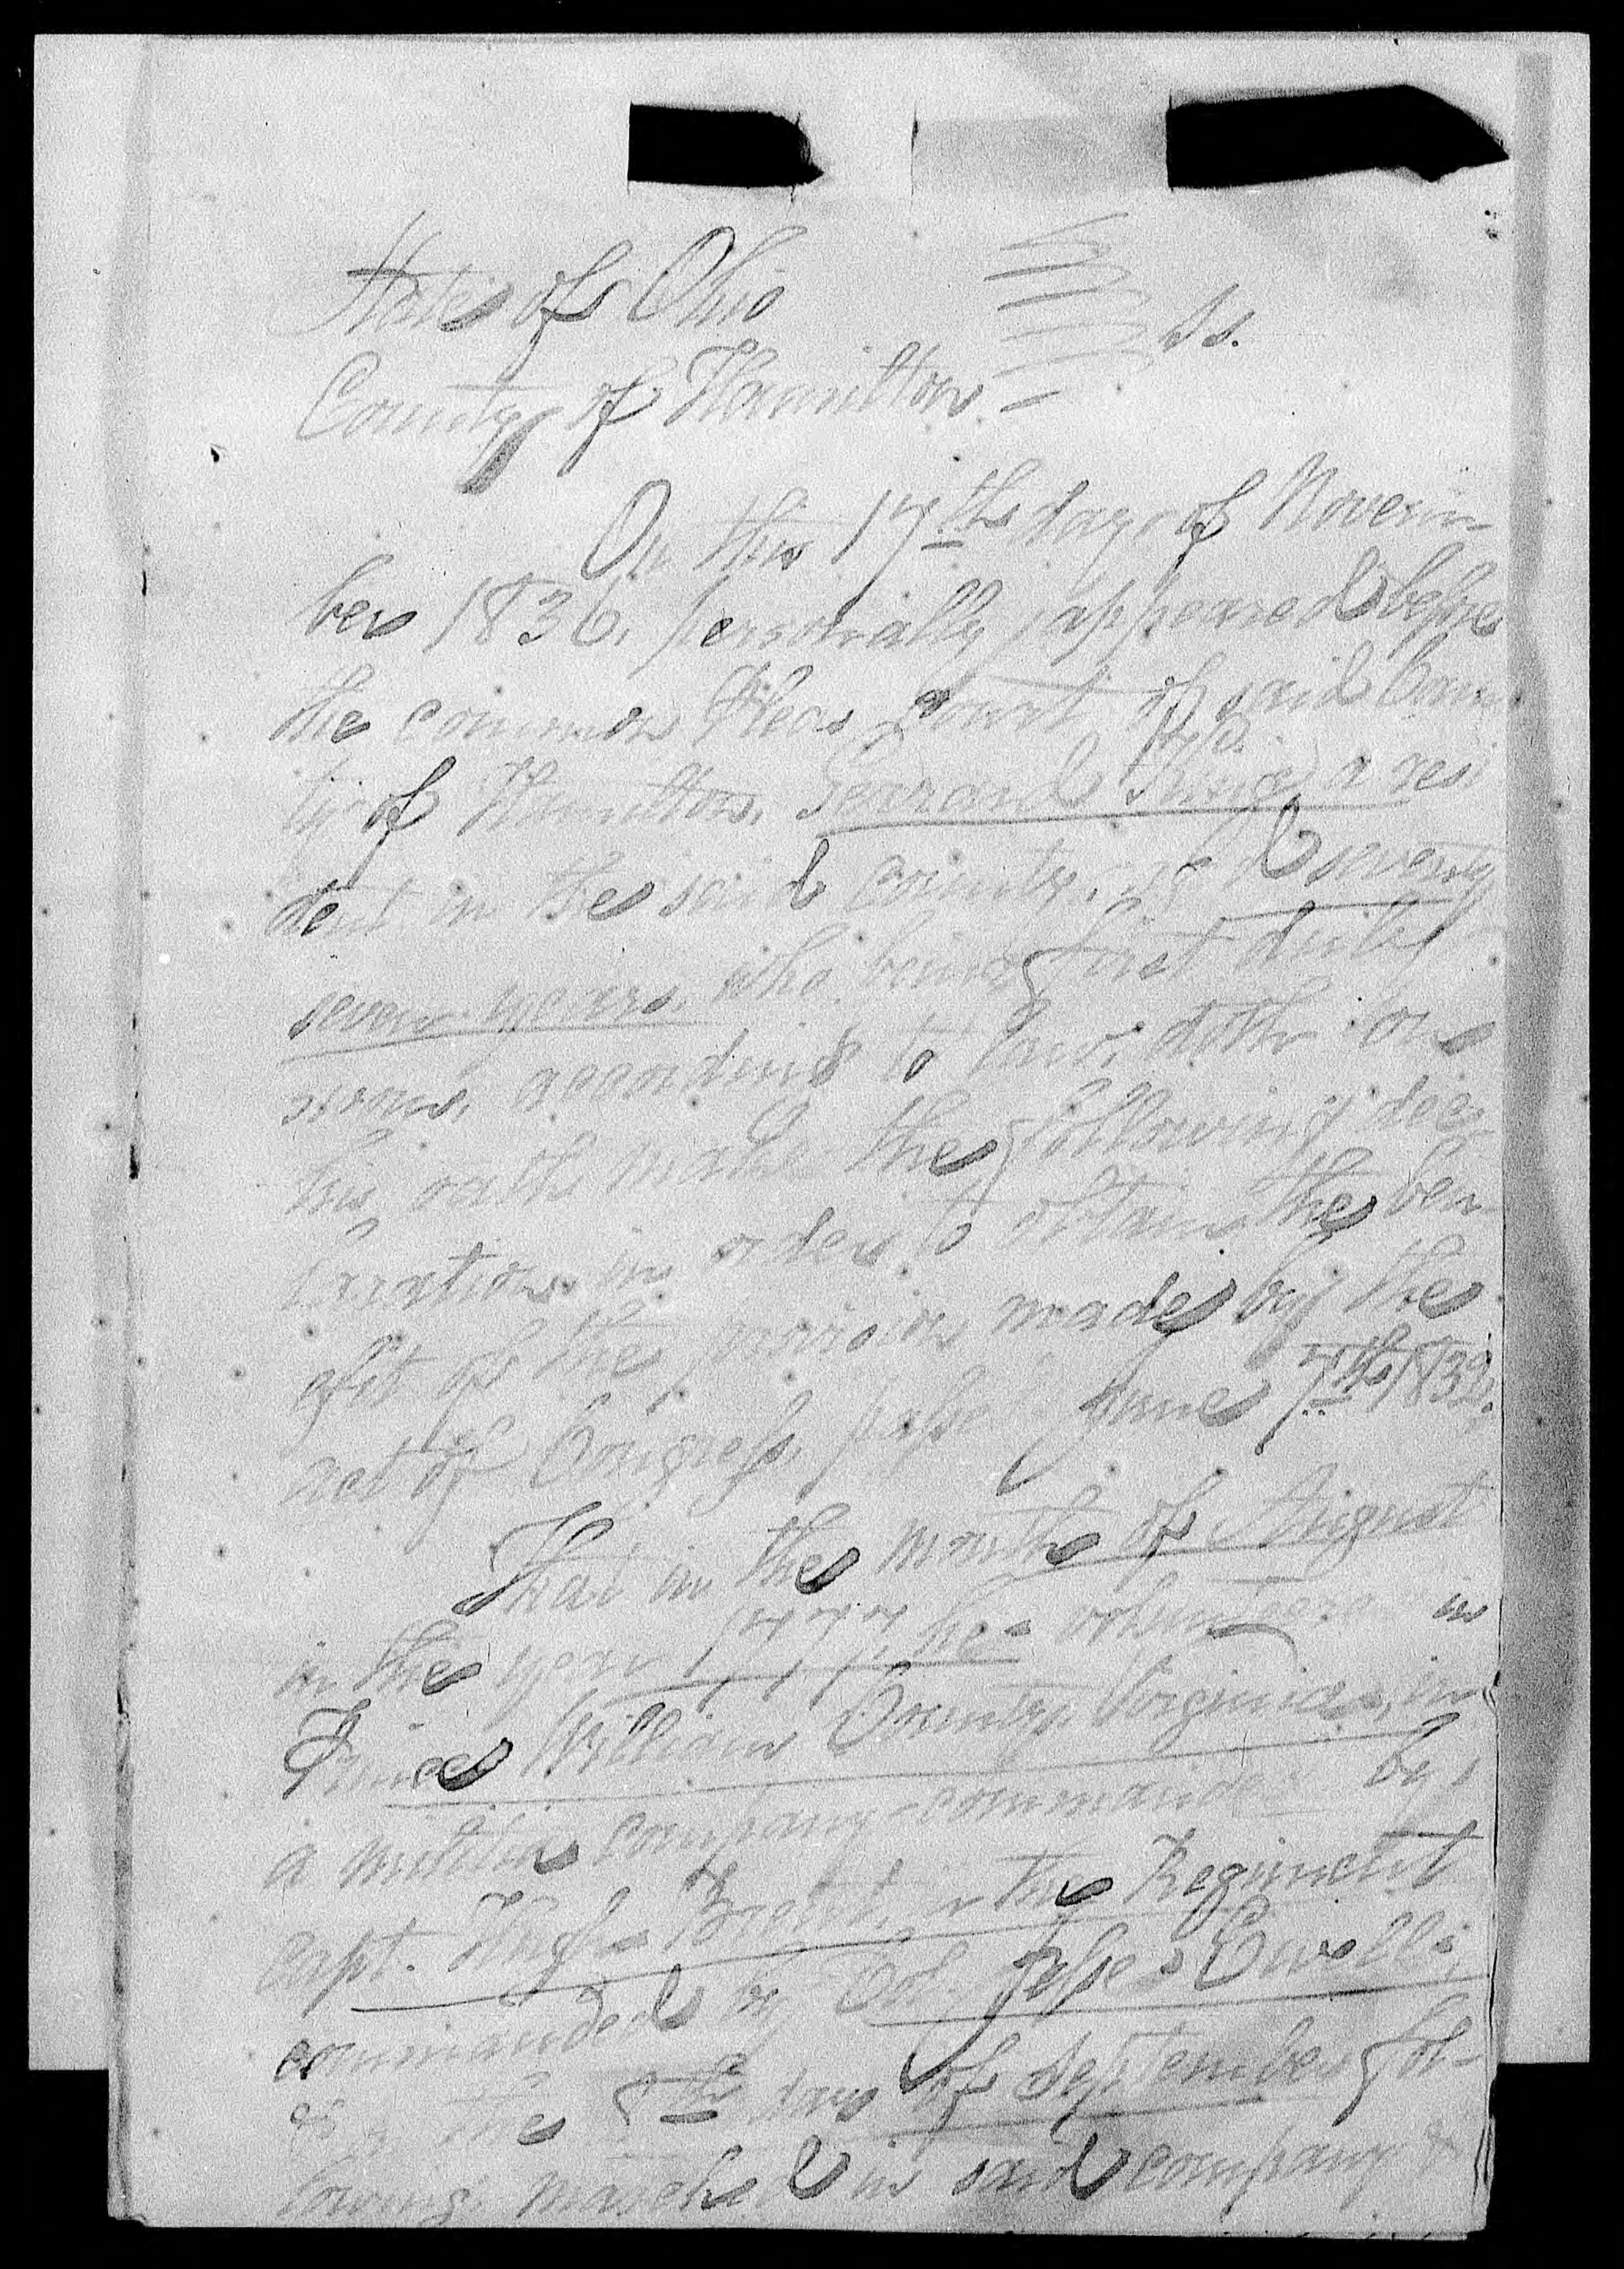[Declaration page 1]

State of Ohio
County of Hamilton S.s.
On this 17th day of November 1836, personally appeared before the common Pleas court of said County of Hamilton Gerard King a resident in the said county, aged seventy seven years who being first duly sworn, according to law doth on his oath make the following declaration in order to obtain the benefit of the provision made by the act of Congress passed June 7th 1832.

That in the month of August in the year 1777 he volunteered in Prince William County Virginia in a militia company commanded by Capt. Hugh Brent in the Regiment commanded by Col. Jesse Ewell &  on the 8th day of September following marched in said company &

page: 11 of 45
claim: widow's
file: W. 7984, for Gerrard King, Virginia